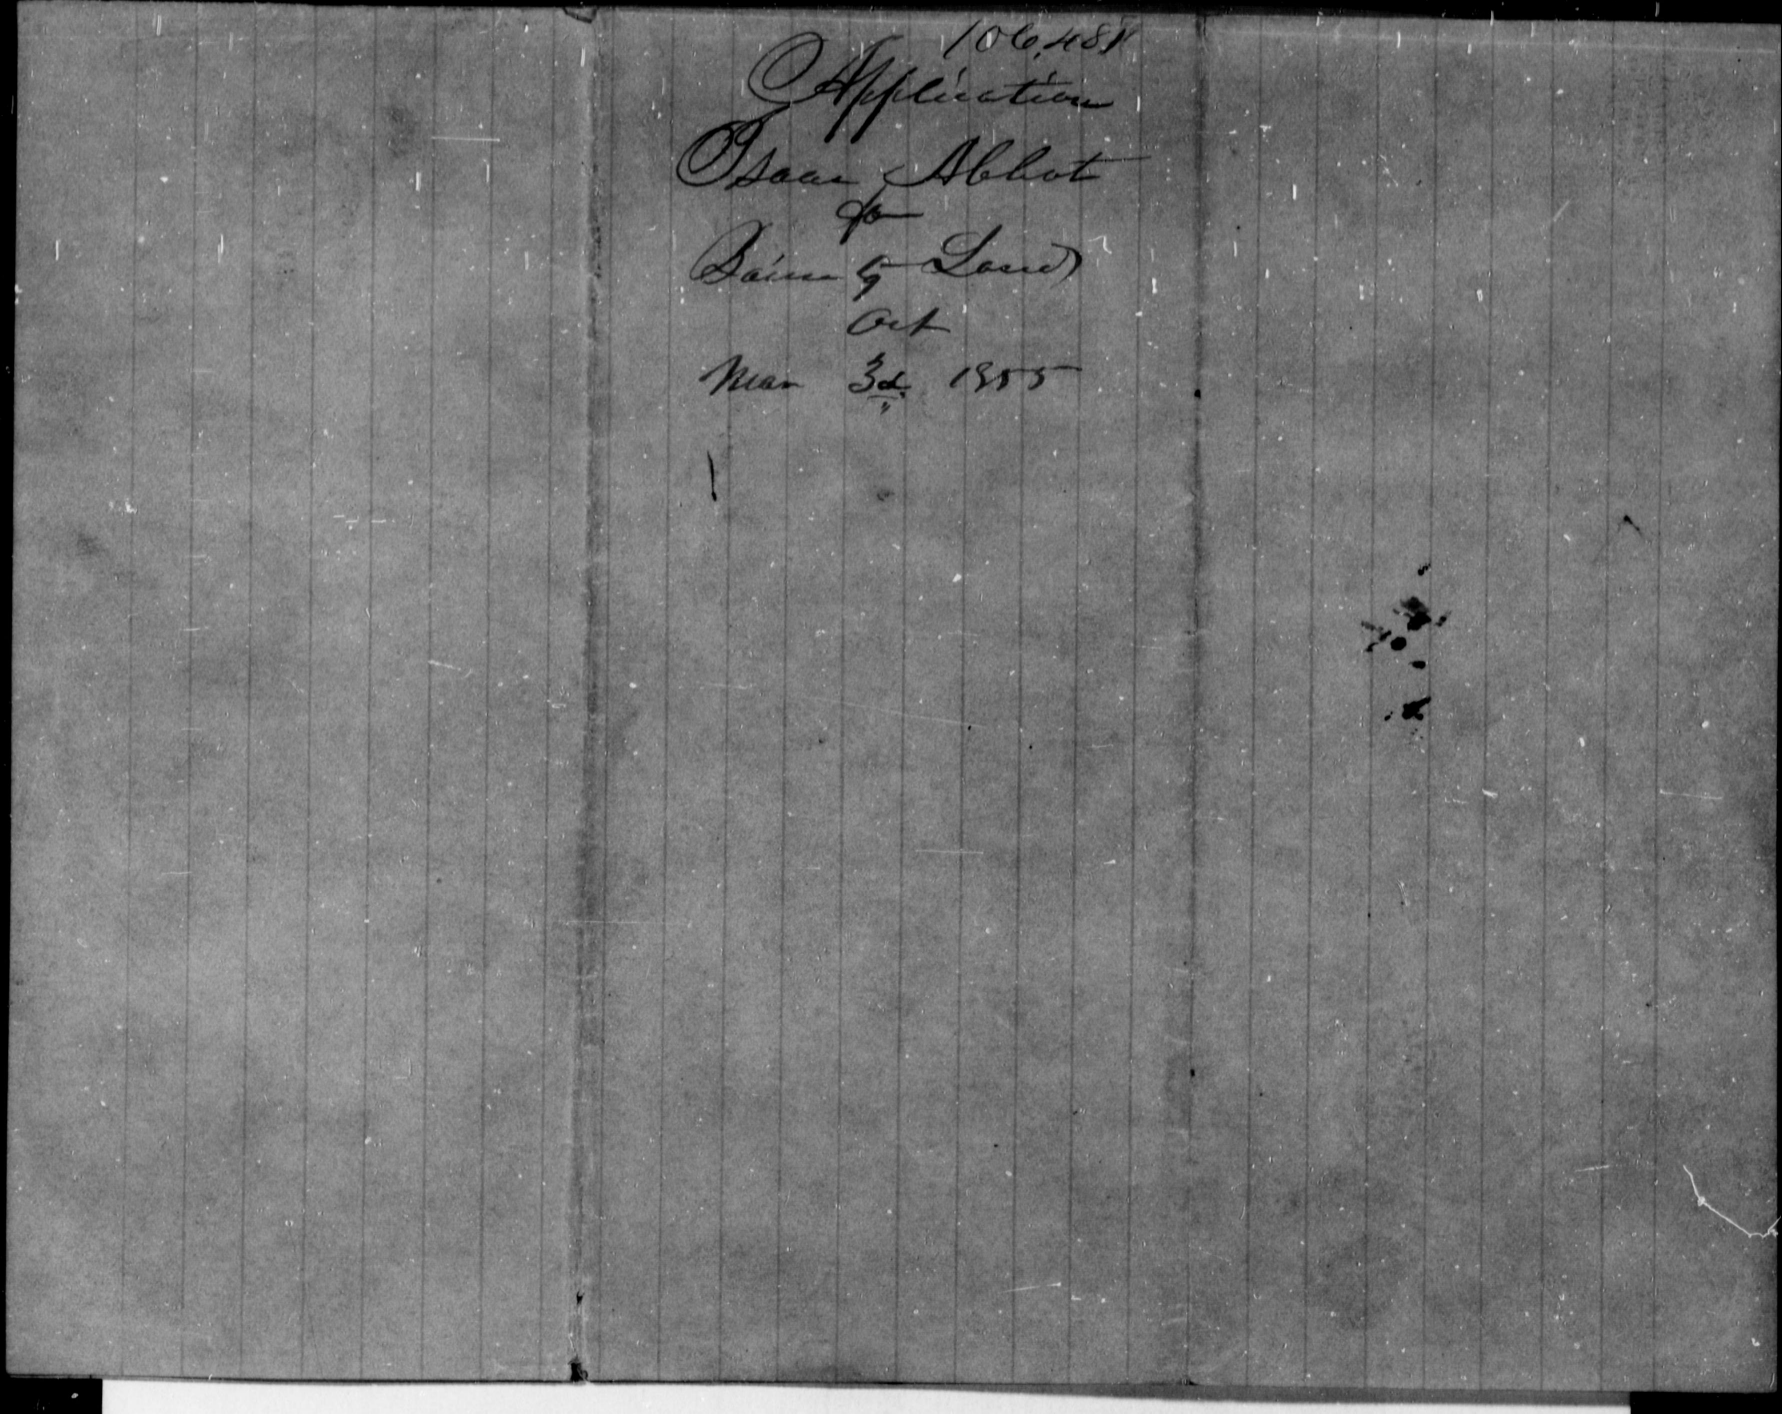106,481
Application
Isaac Abbott
for
Bounty Land
at
Mar 3rd, 1855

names: Isaac Abbot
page: 14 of 86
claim: survivor's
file: S 29,568, Isaac Abbot, Mass